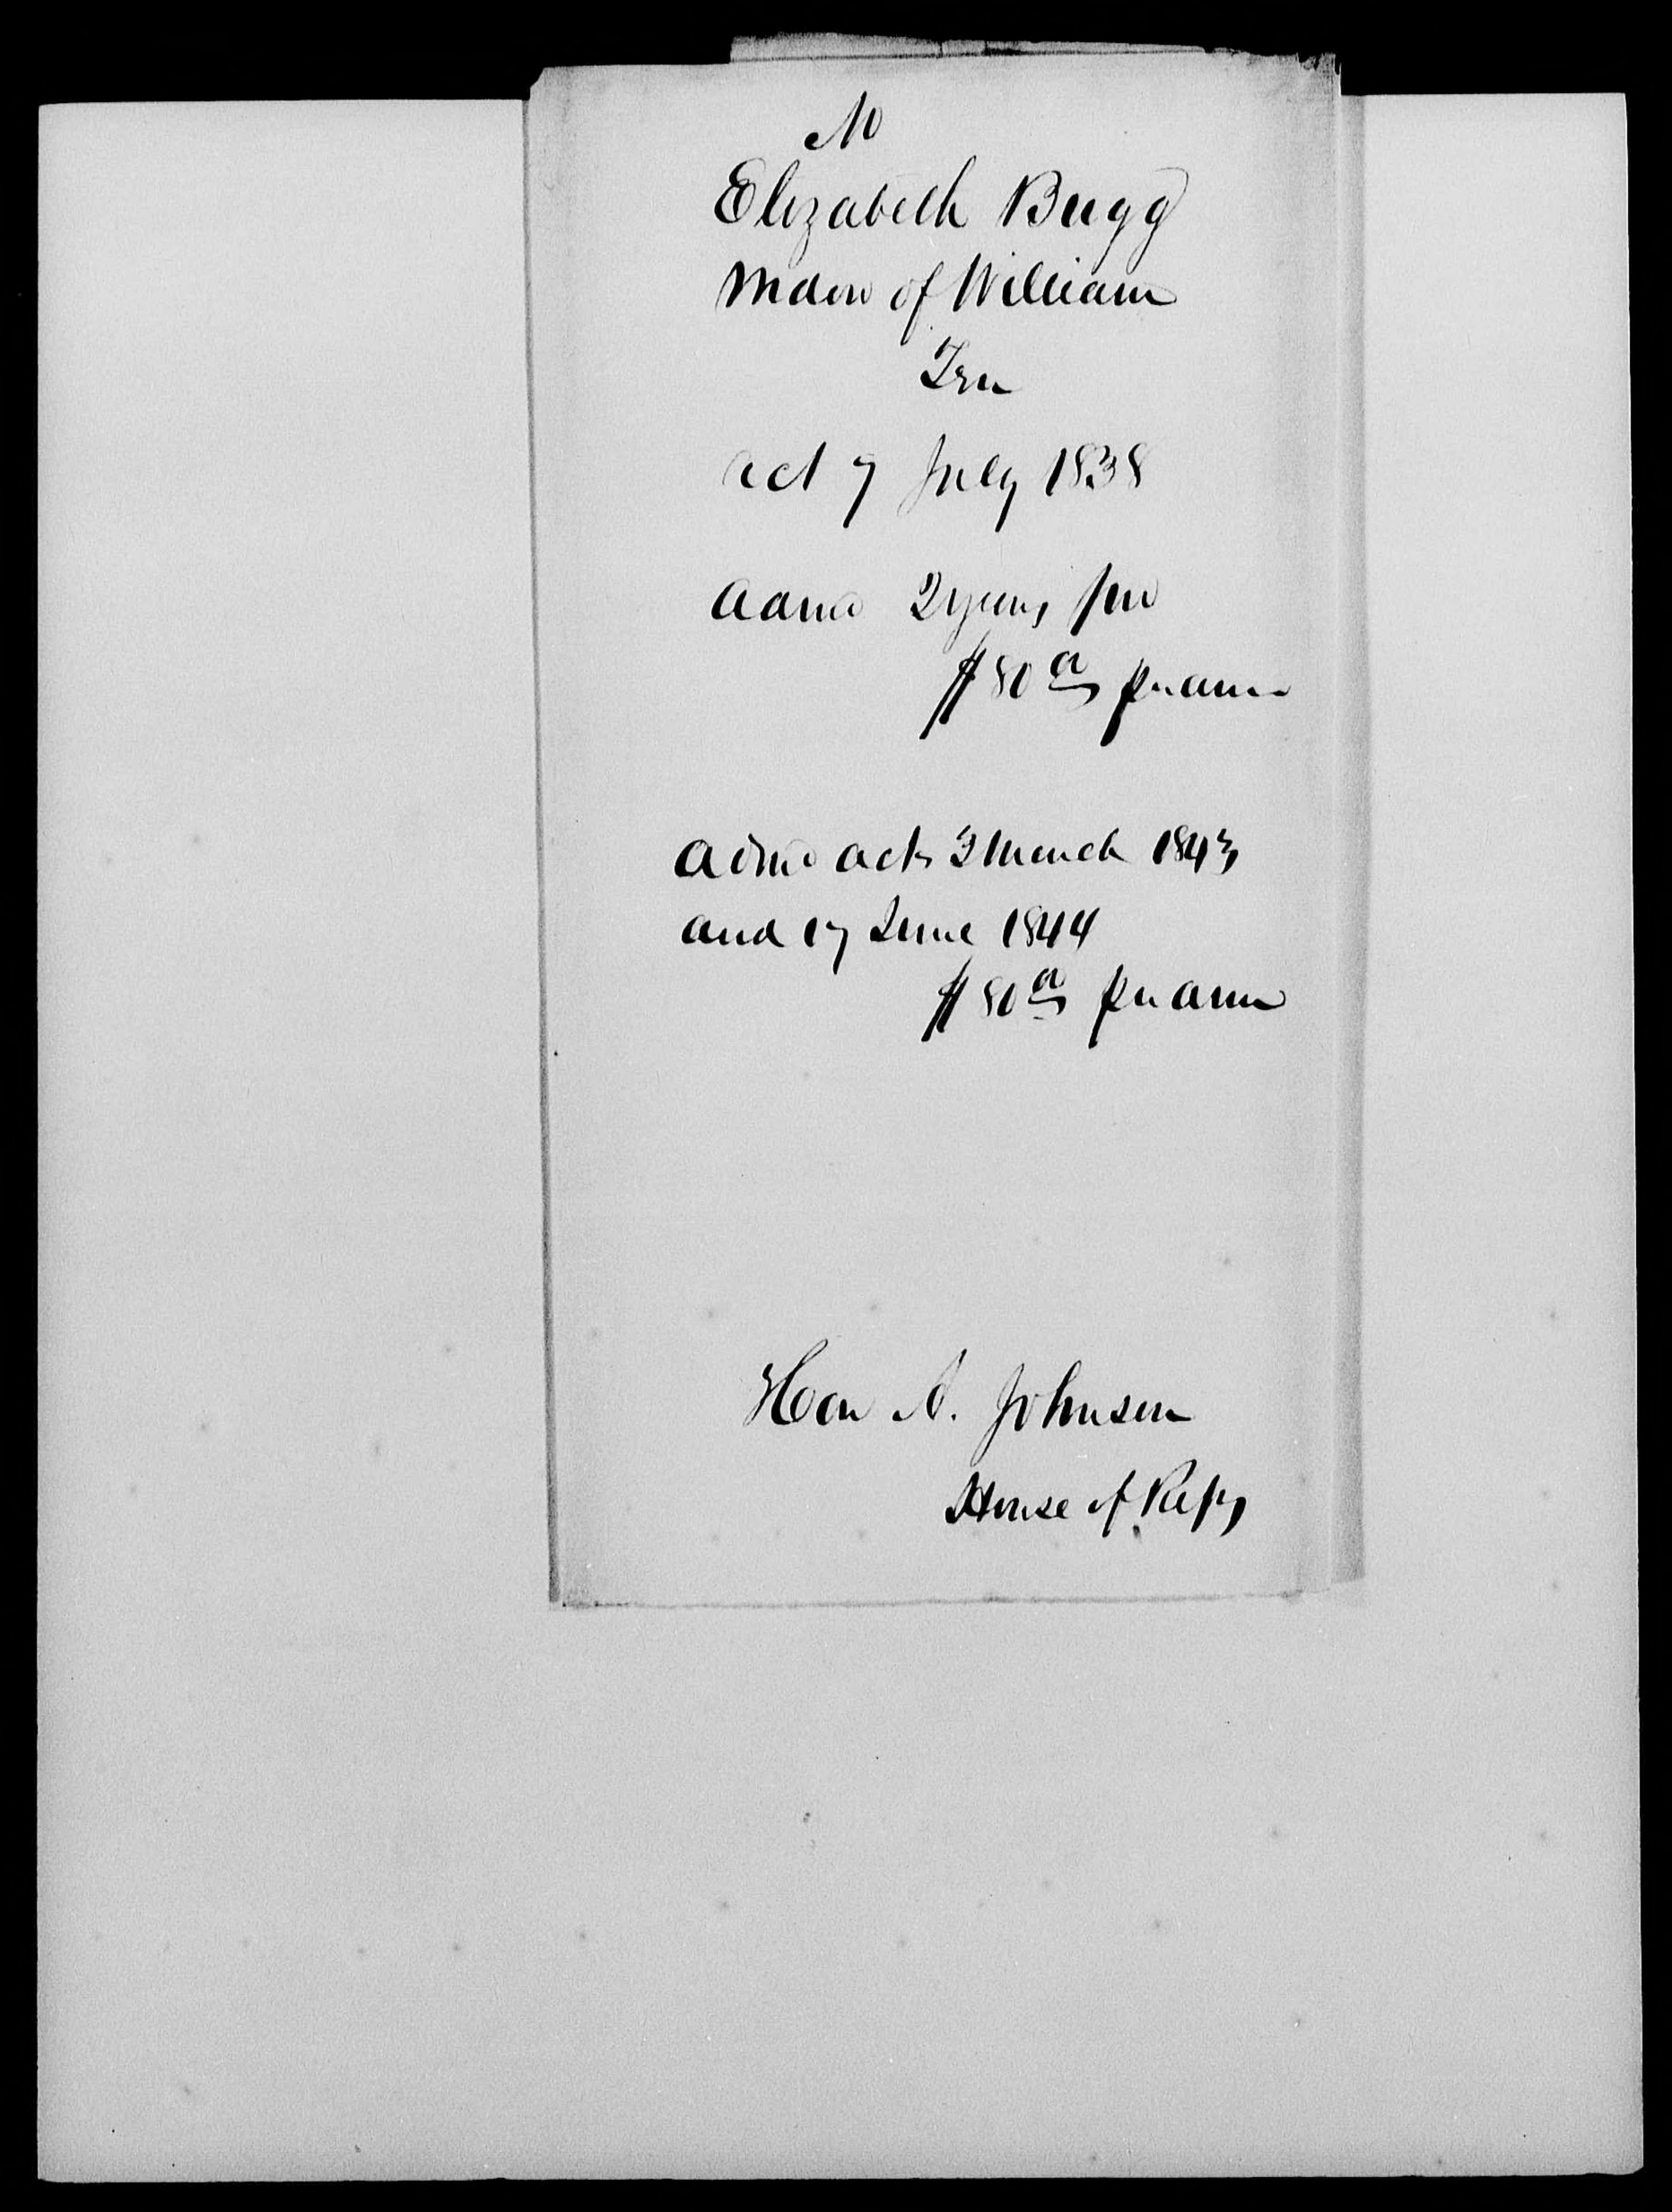NC
Elizabeth Bugg
Widow of William 
[illegible]
Act 7 July 1838
[illegible] 2 years 1 m
$80.00per anu
[illegible] acts 3 March 1843
and 17 June 1844
$80.00 per anu
Hon A. Johnson
House of Reps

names: A Johnson, William Bugg, Elizabeth Bugg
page: 22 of 50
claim: widow's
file: W. 898, William Bugg, N.C.